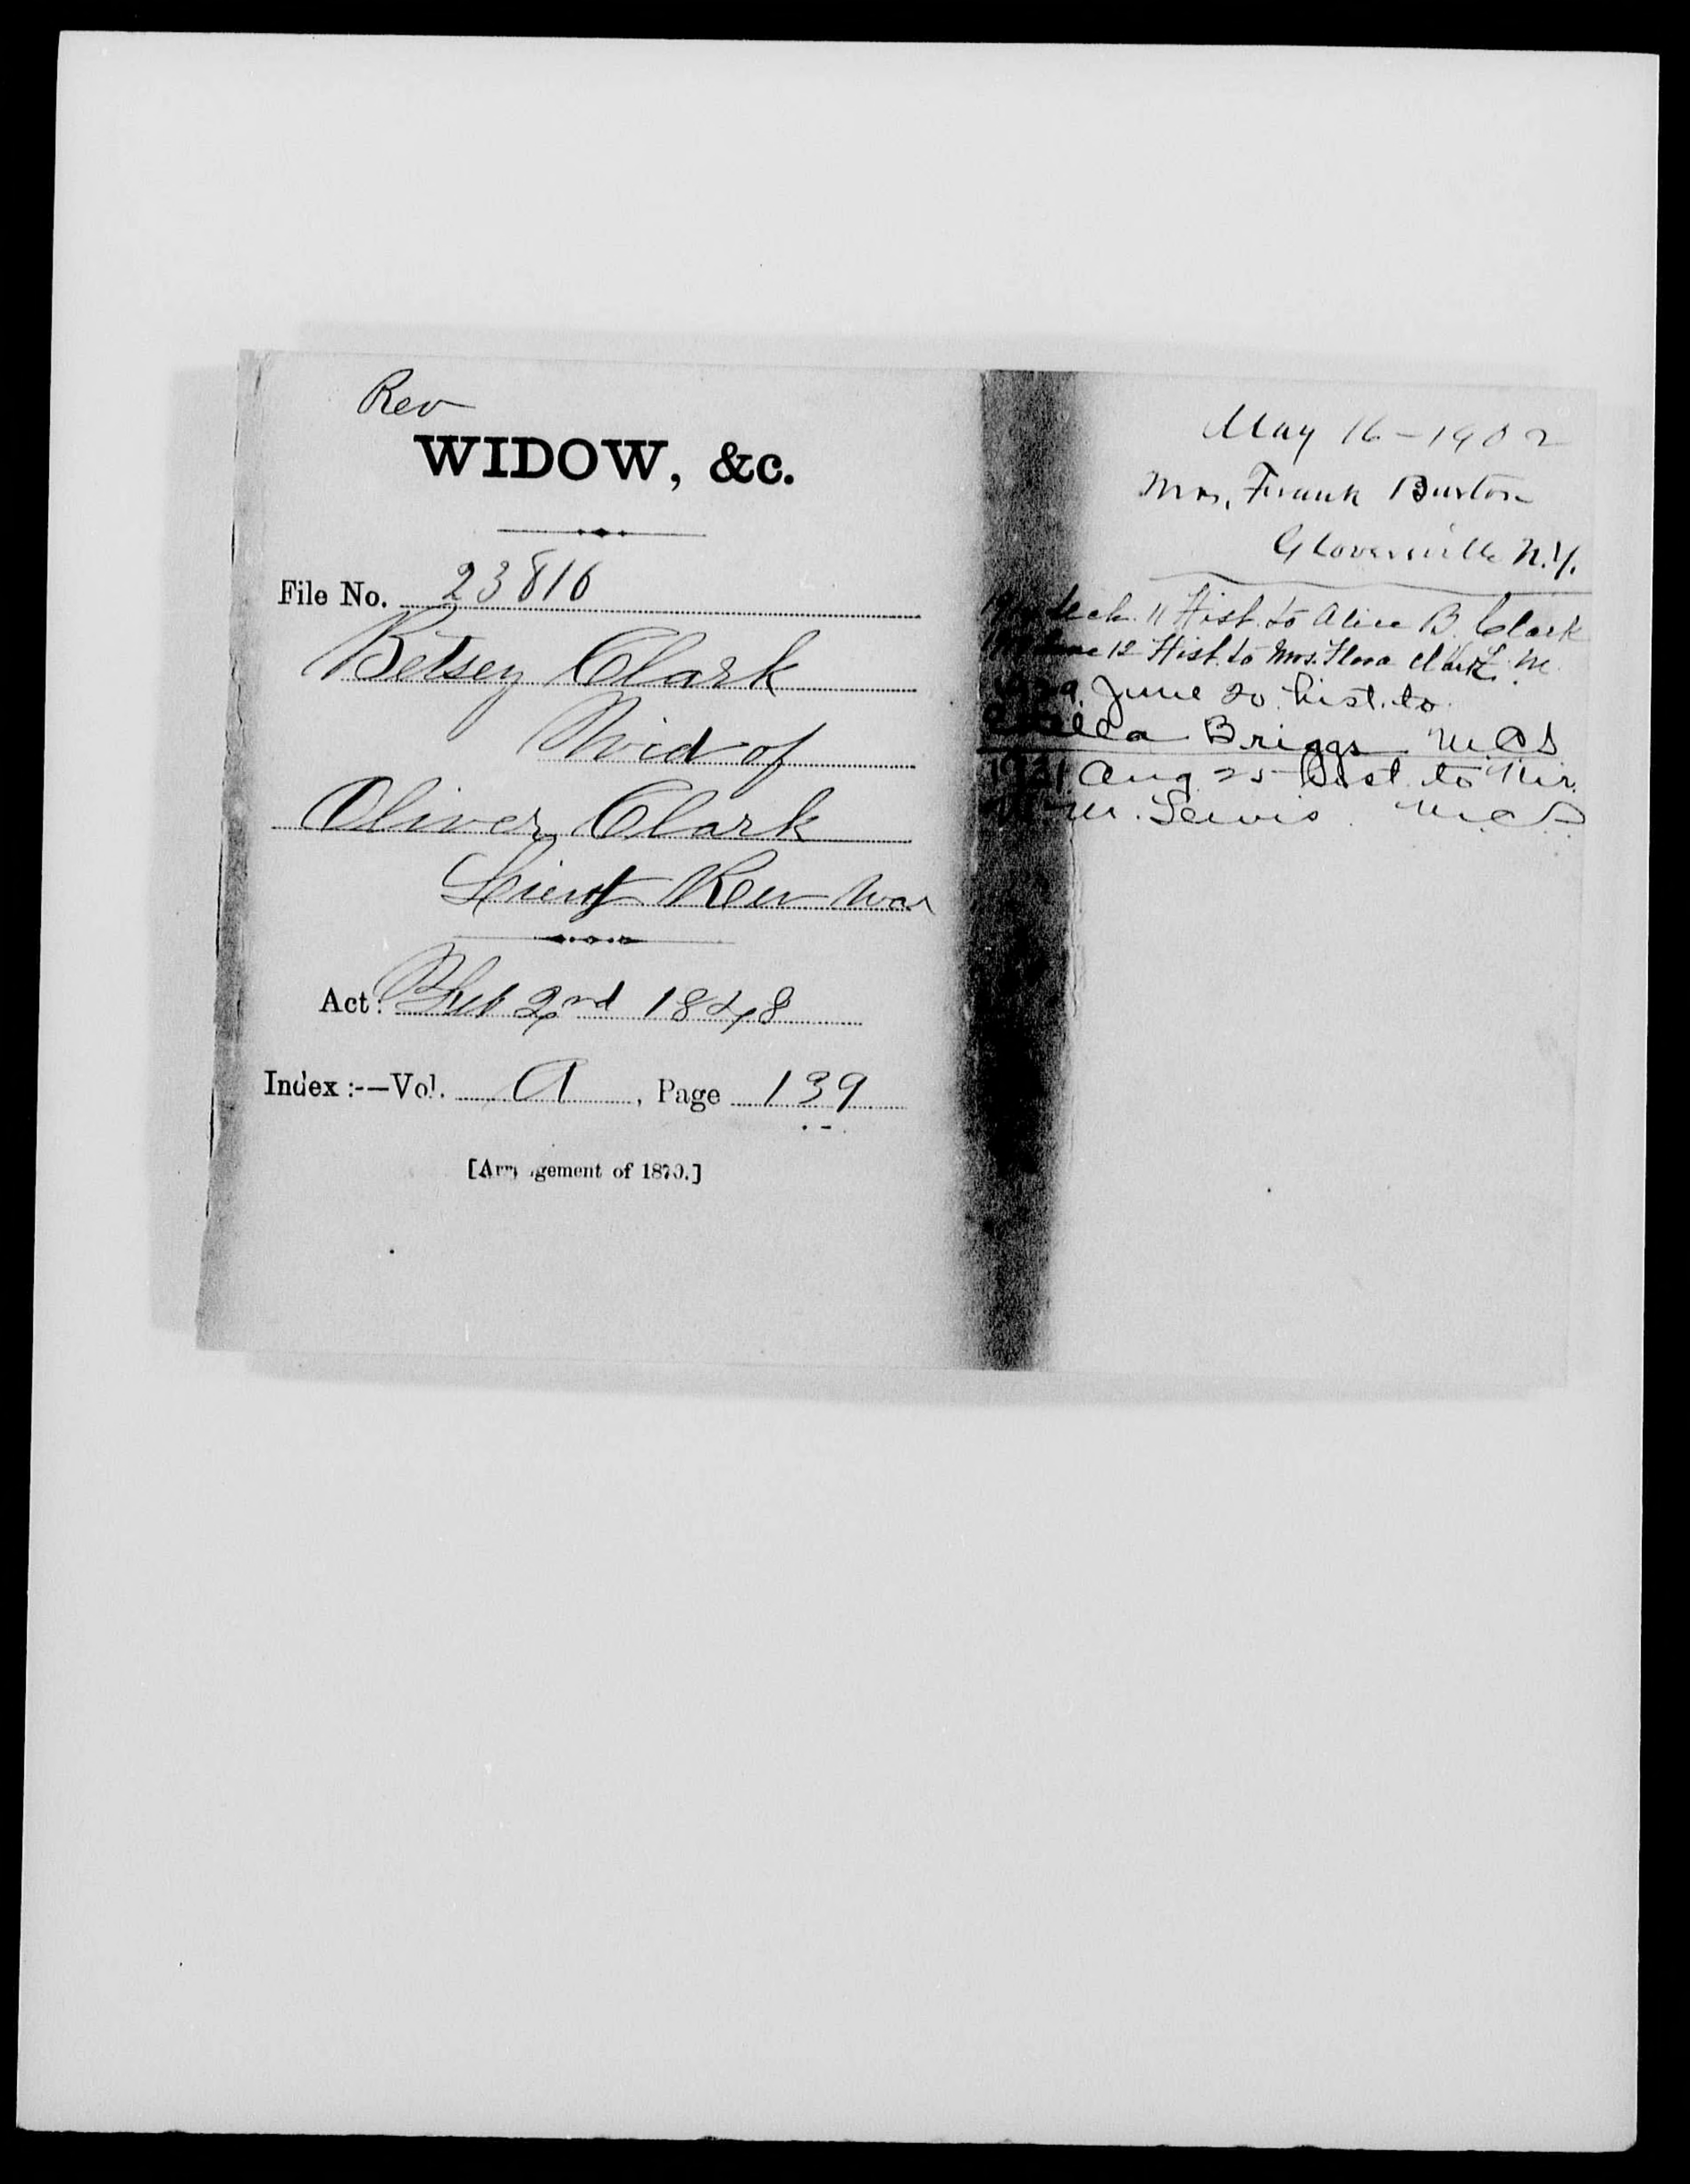[printed page completed in handwriting]
Rev
Widow, &c.
File No. 23816
Betsey Clark
Wid of 
Oliver Clark
Lieut Rev War
Act: Feb 2nd 1848
Index: -- Vol. A, Page 139
[Arrangement of 1870.]

[Right page handwritten]
May 16 – 1902
Mrs. Frank Burton 
Gloverville, N. Y.
[blurred out] 11 Hist. to Alice B. Clark L.M.
[blurred out] 12 Hist. to Mrs. Flora Clark 
1929 June 20. hist. to
Estella Briggs WCS
1931 Aug 25 hist. to Mr. 
Wm Lewis WCS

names: Flora Clark, Estella Briggs, Oliver Clark, Alice B Clark, Betsey Clark, Frank Burton, M W Lewis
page: 44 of 51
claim: widow's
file: W. 23816, Oliver Clark, Conn.